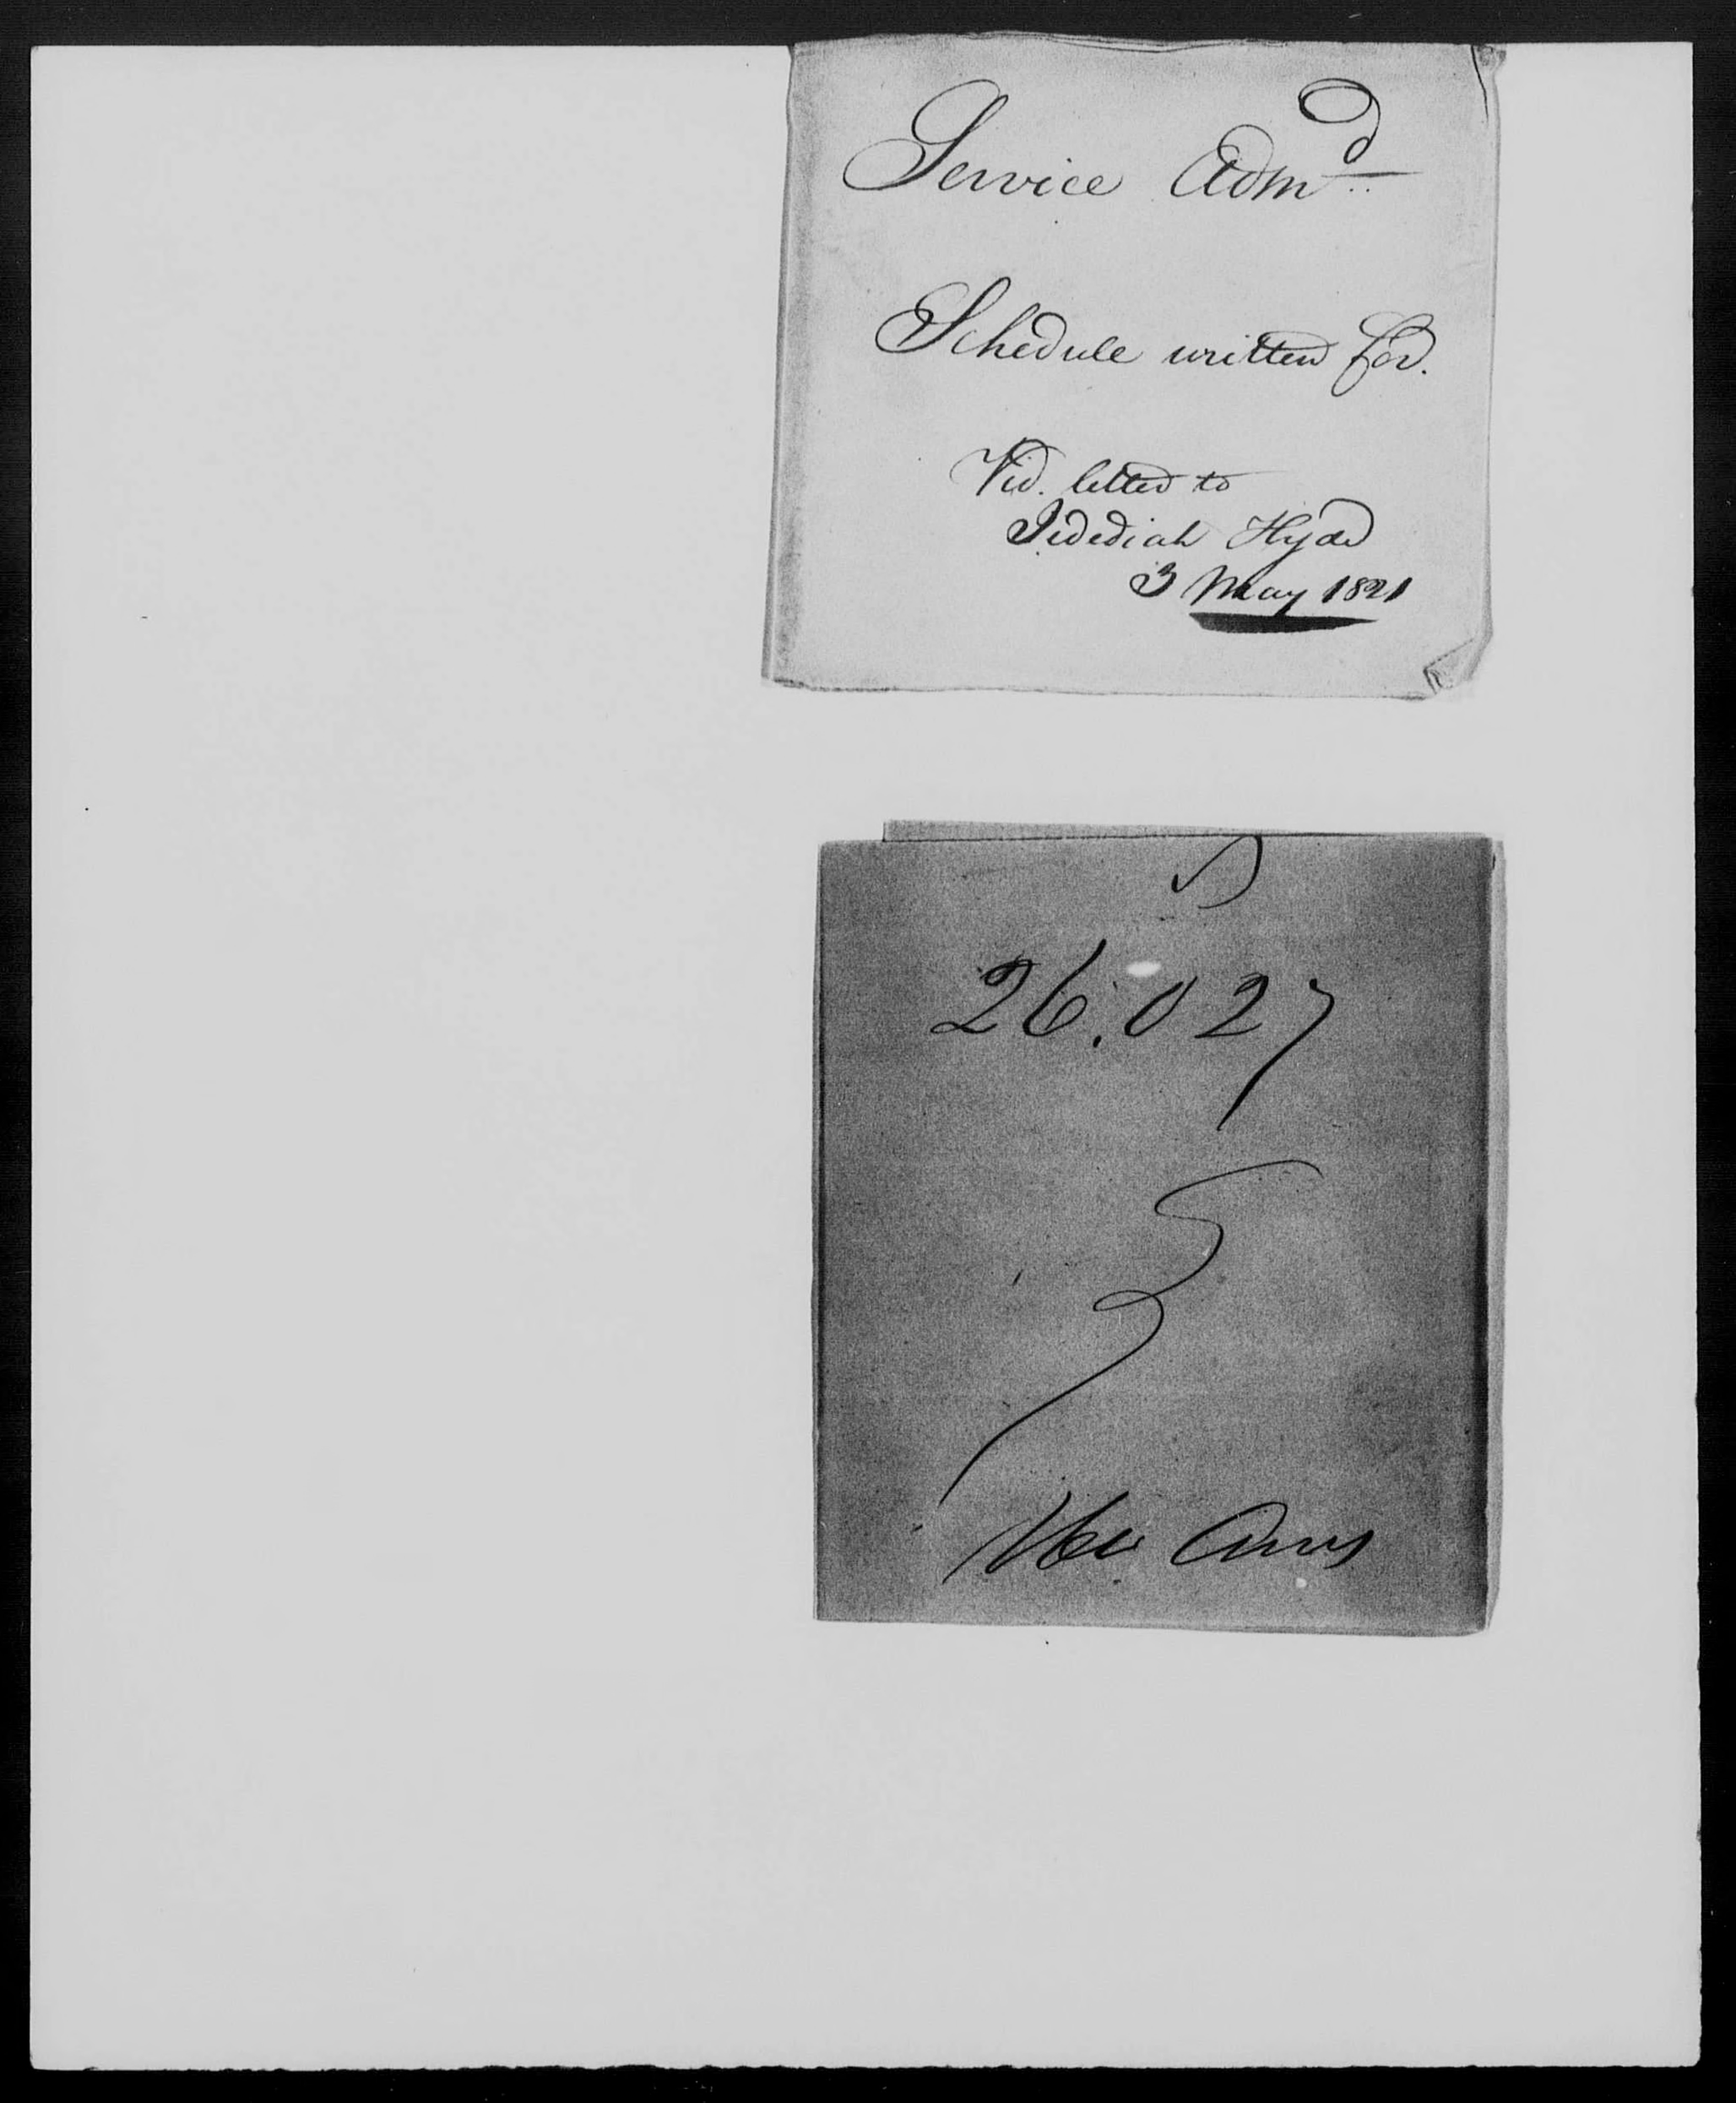Service Admd.
Schedule written for
Wid. letter to Jedediah Hyde
3 May 1821
26,027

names: Jedediah Hyde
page: 22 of 50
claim: widow's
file: W. 8559, Ebenezer Ayer, Continental (Conn)